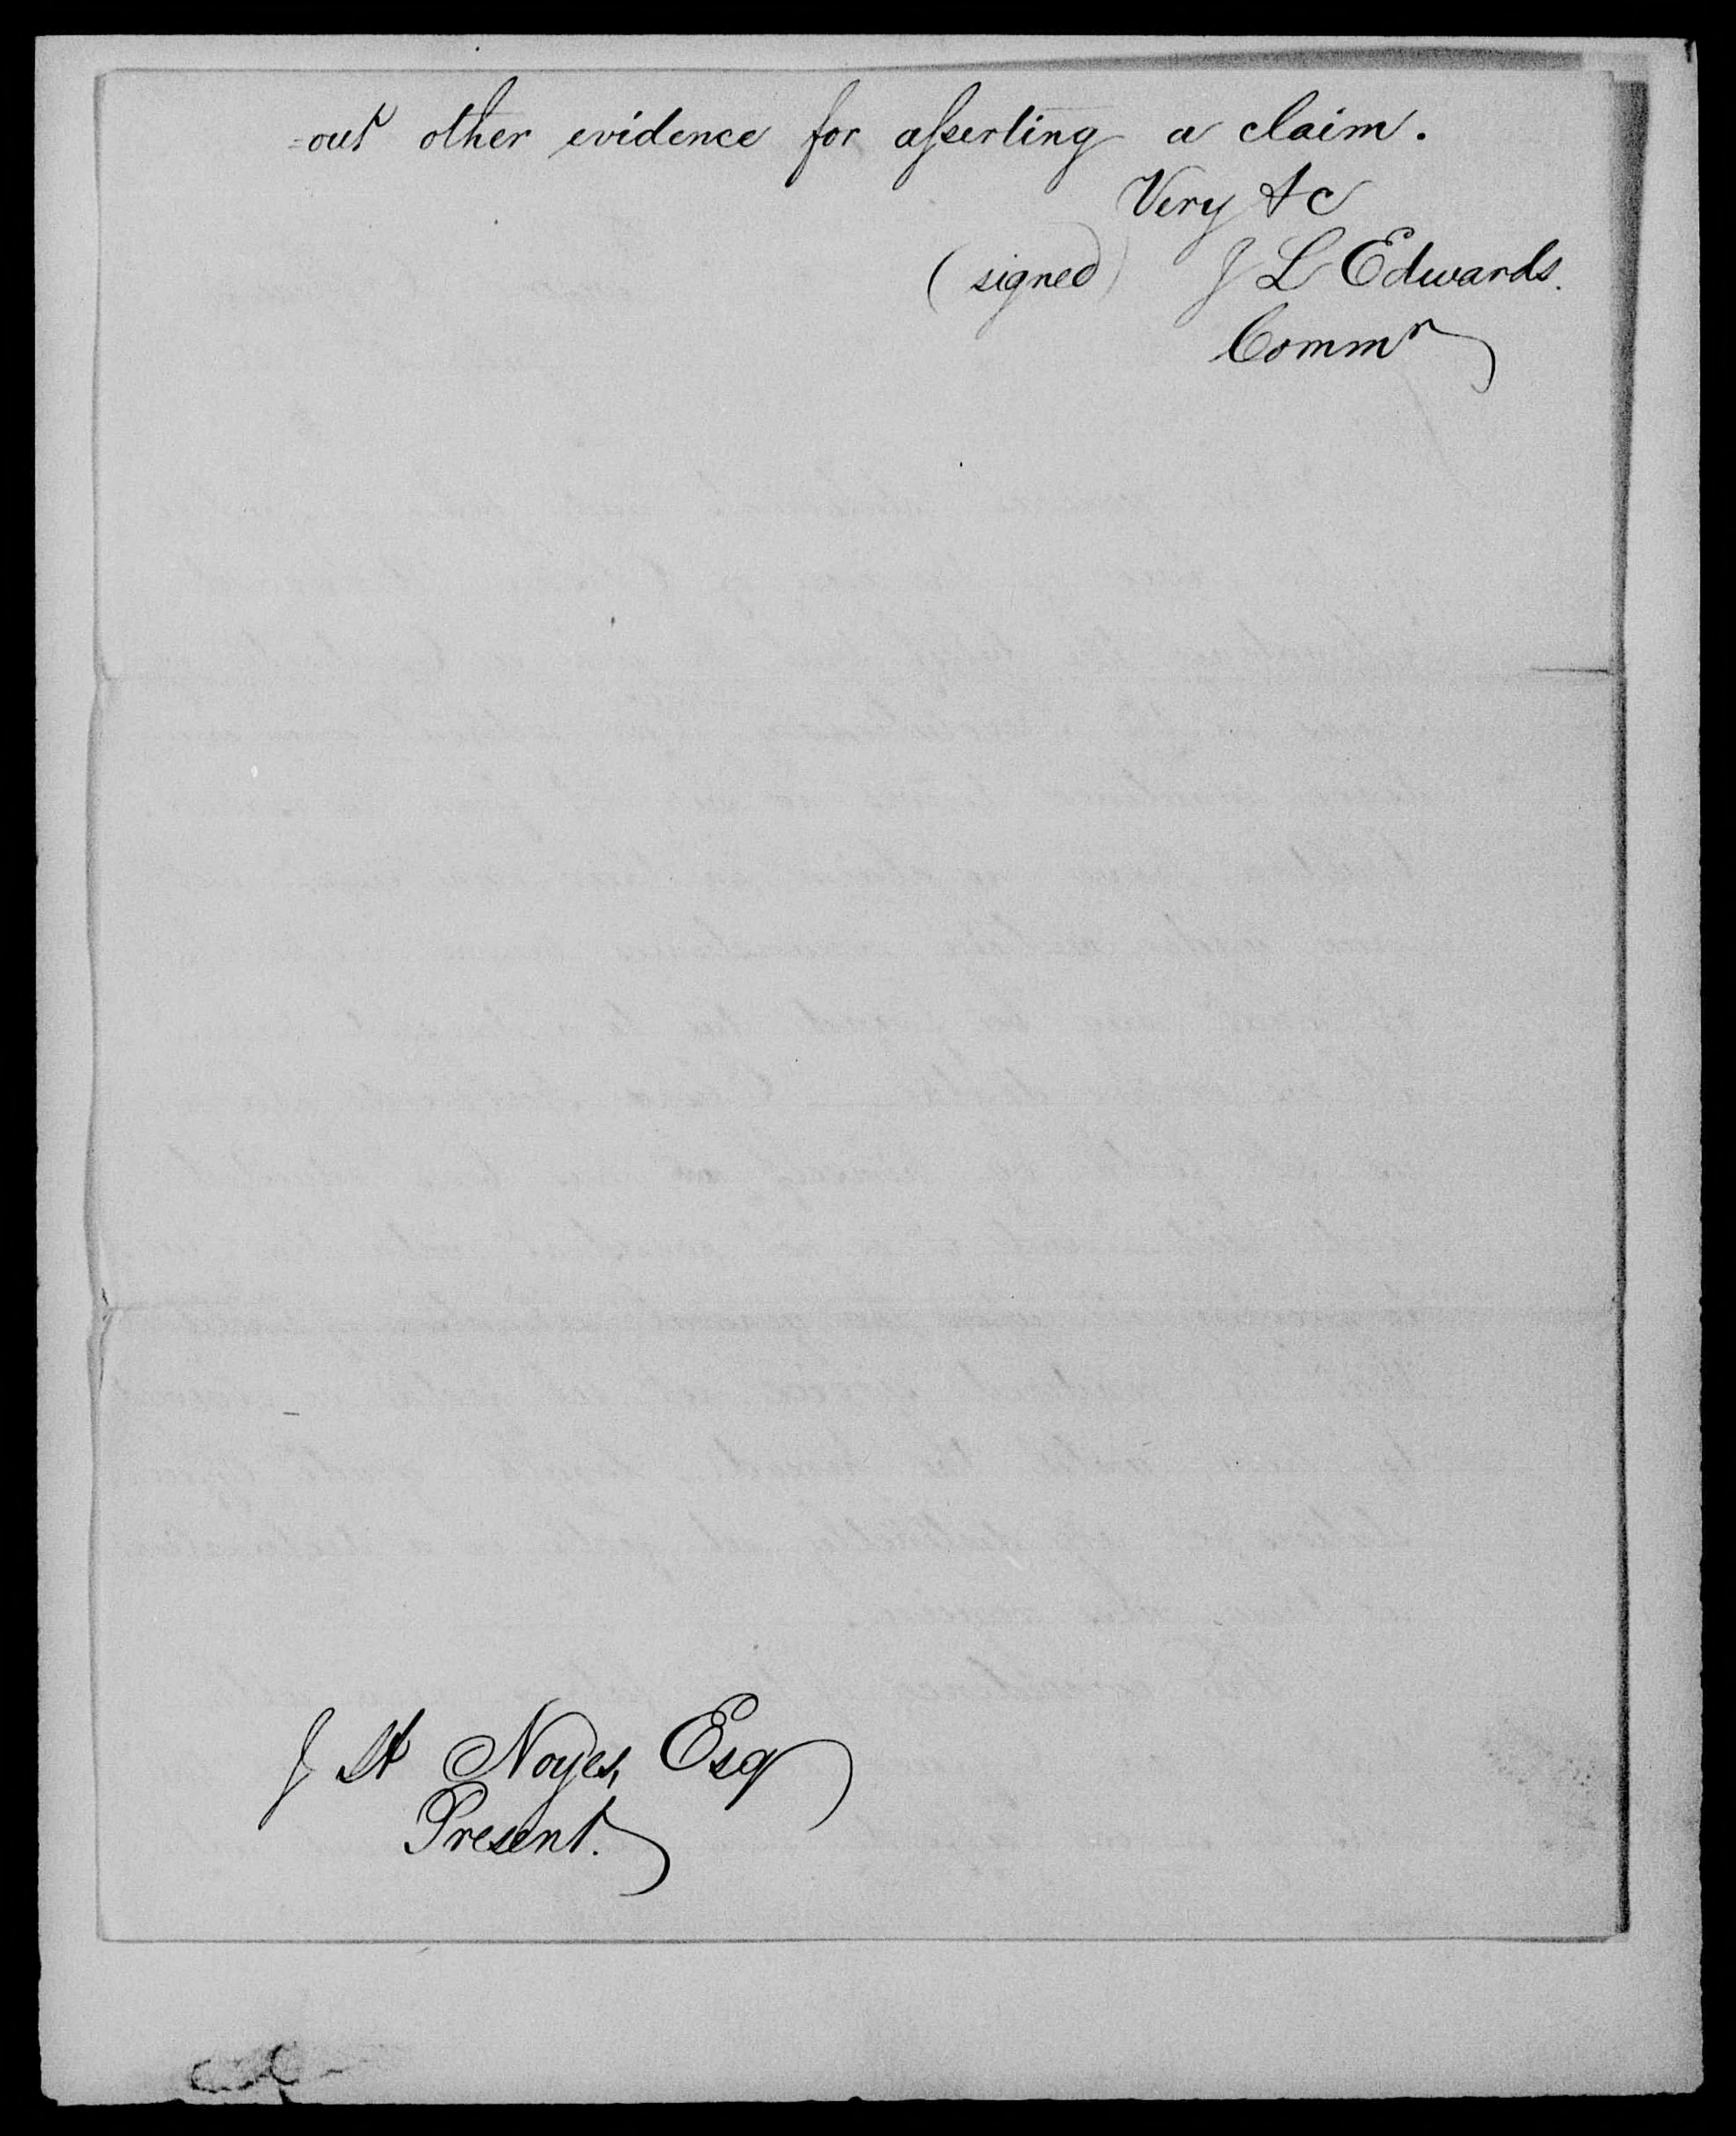-out other evidence for asserting a claim.

Very Ac
(signed) J  L Edwards.
Commr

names: J L Edwards, J H Noyes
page: 34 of 63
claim: survivor's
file: S. 18457, Elisha Hubbard, Conn. Continental